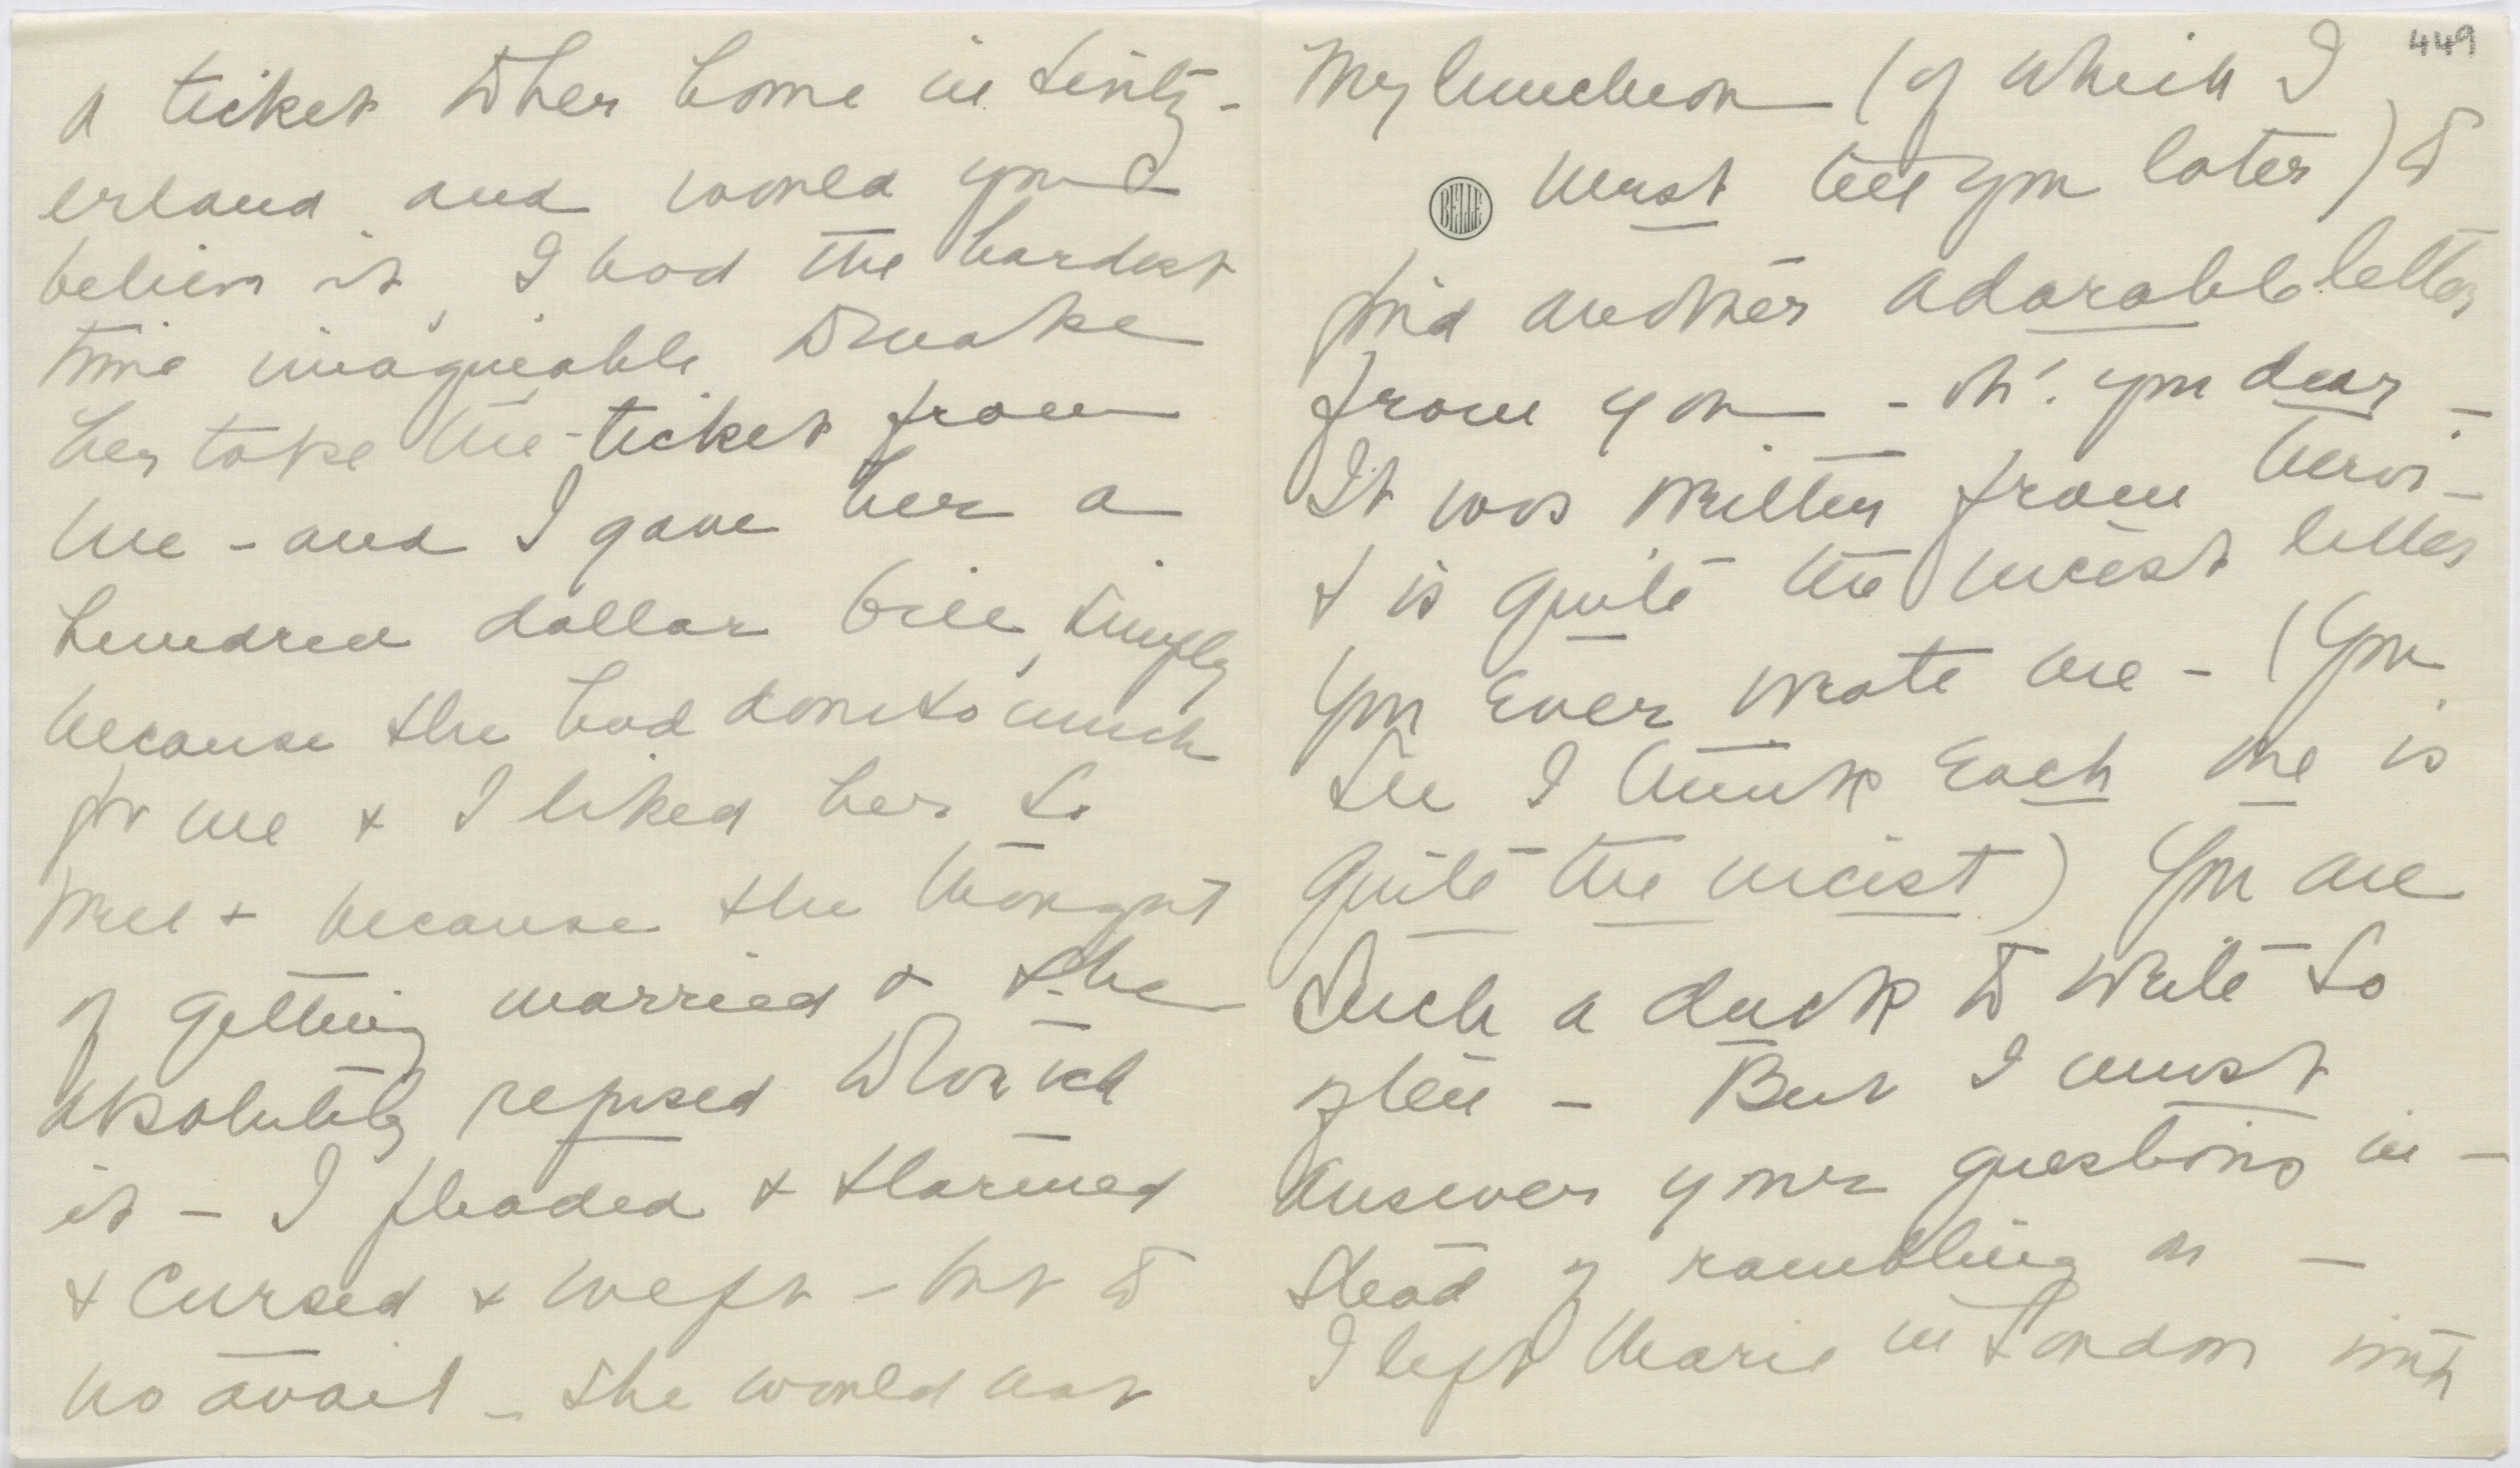my luncheon (of which I must tell you later to find another adorable letter from you – oh! you dear – It was written from [illegible] & is quite the nicest letter you ever wrote me – (You see I think each one is quite the nicest) You are such a duck to write so often – But I must answer your questions instead of rambling on –
I left Marie in London with
a ticket to her home in Switzerland and would you believe it, I had the hardest time imaginable to make her take the ticket from me – and I gave her a hundred dollar bill, simply because she had done so much for me & I liked her so well & because she thought of getting married & she absolutely refused to touch it – I pleaded & stormed & cursed & wept – but to no avail – she would not